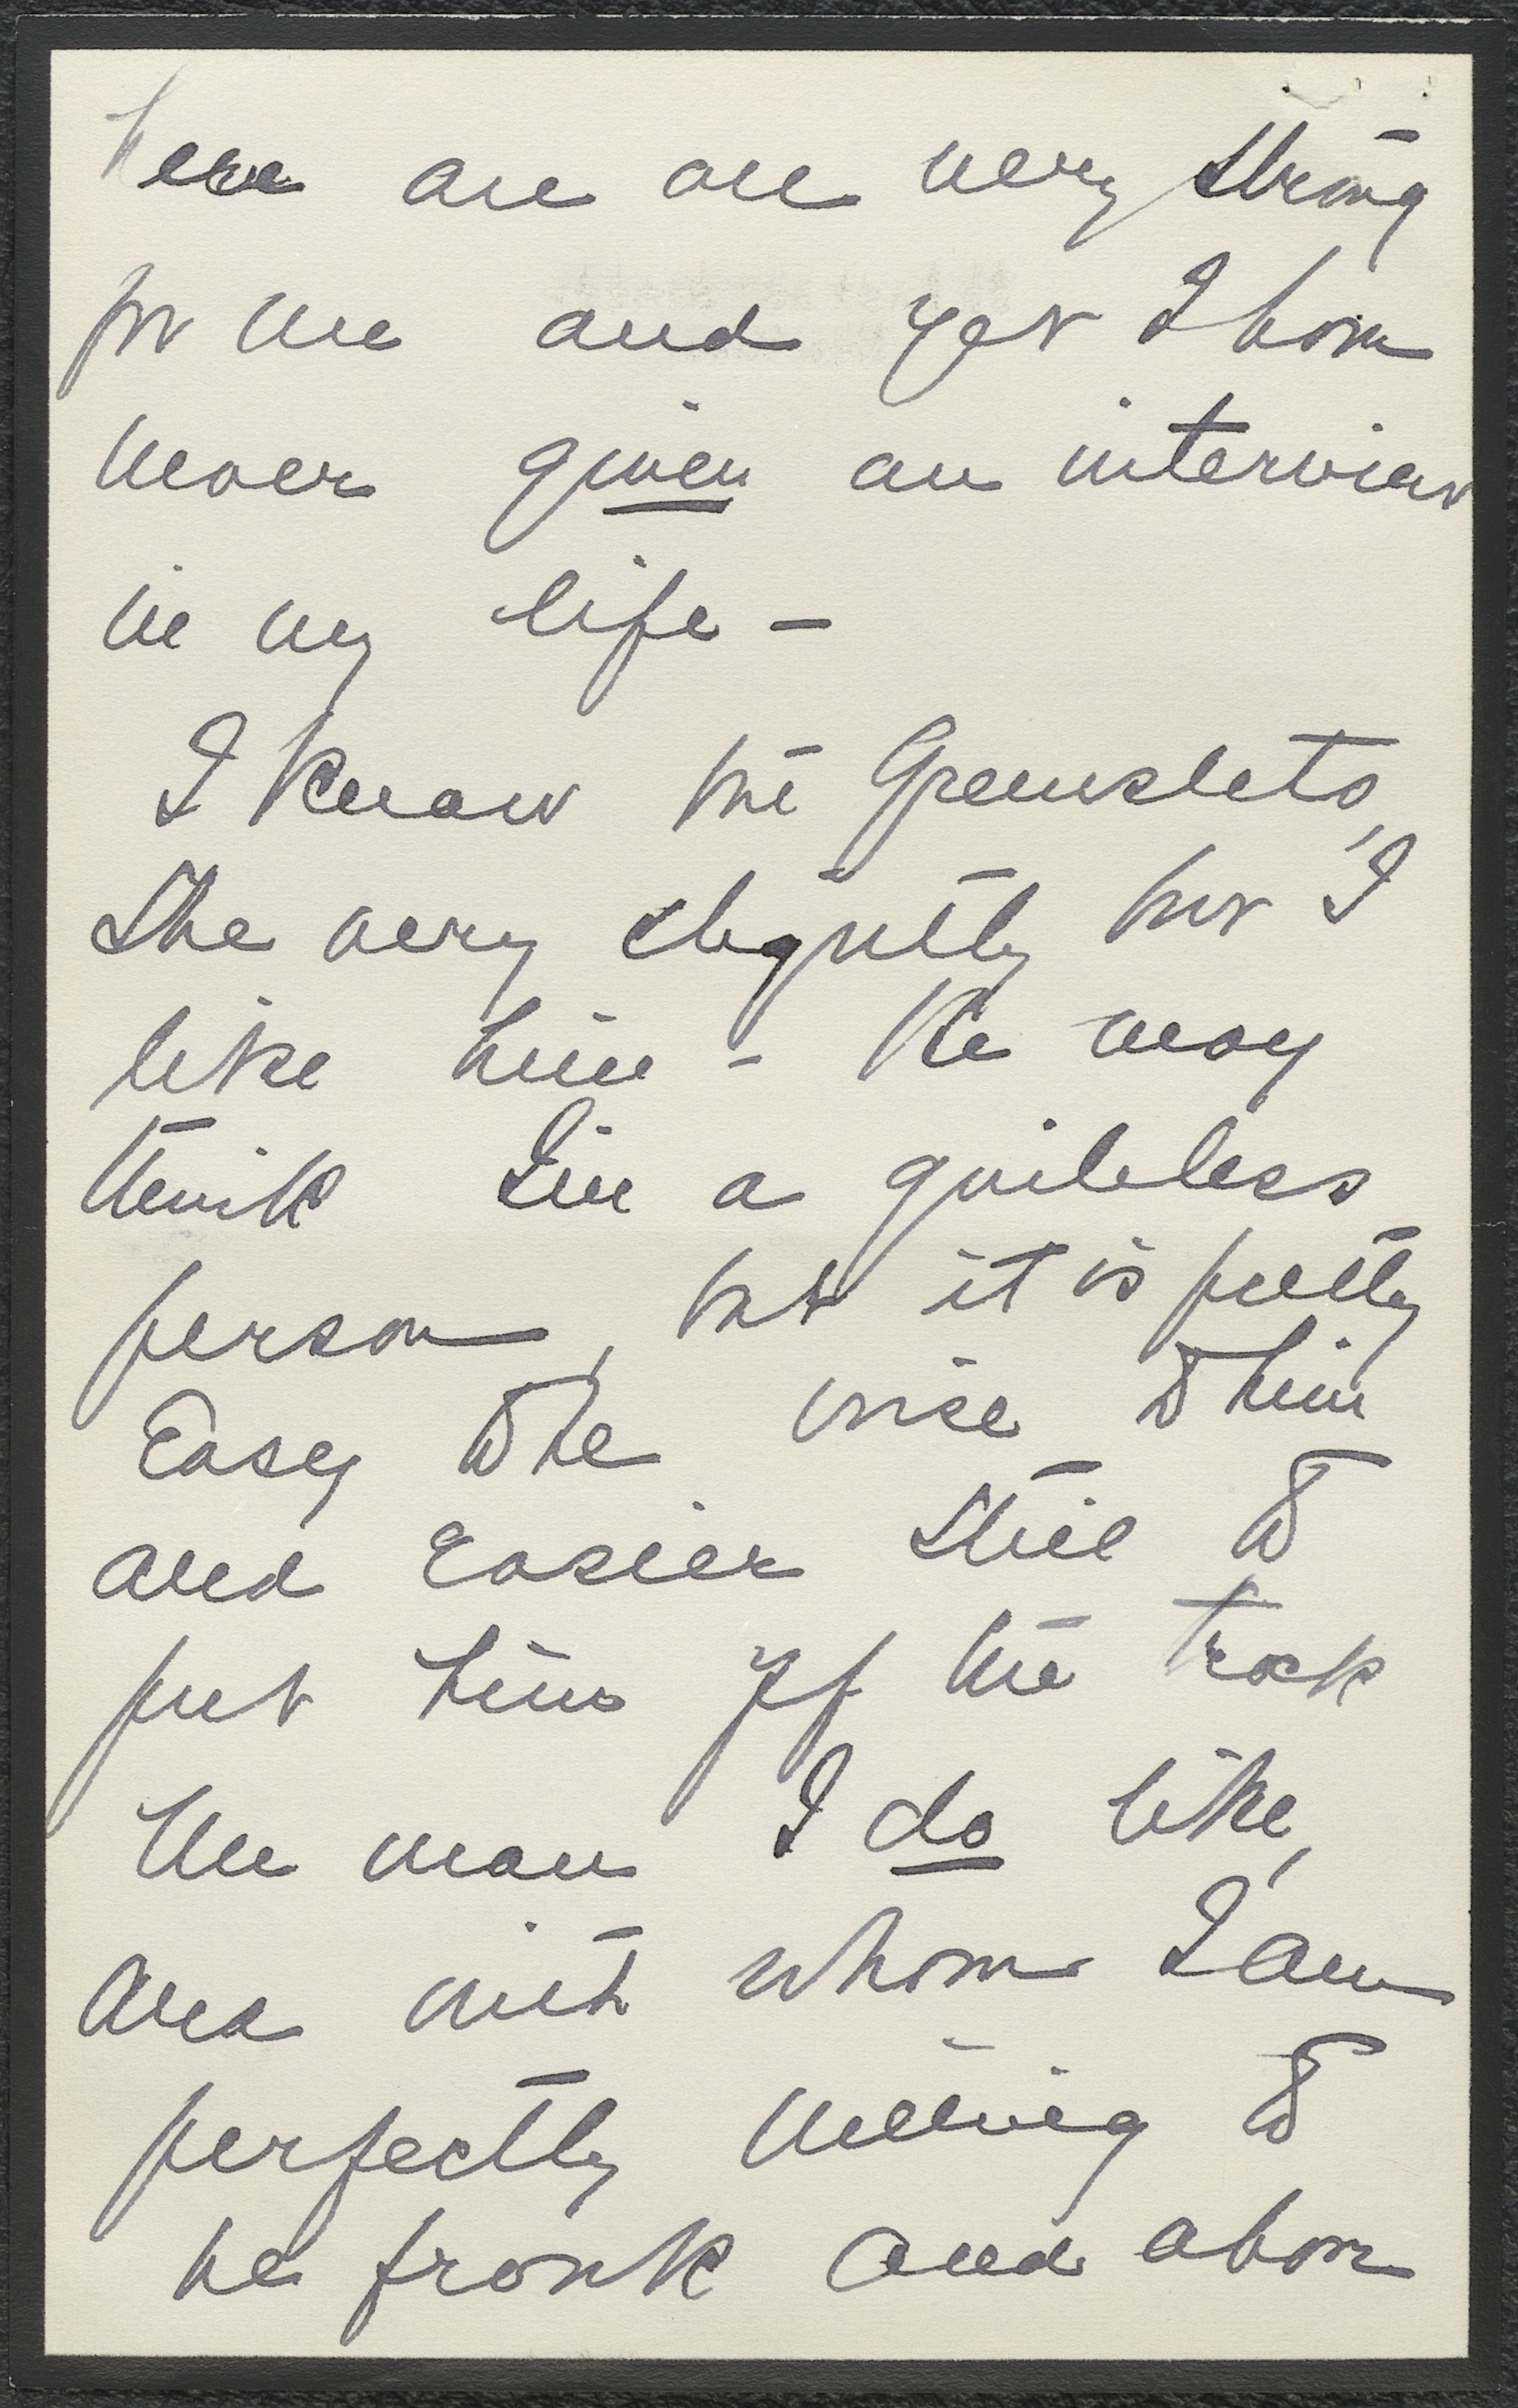here are all very strong for me and yet I have never given an interview in my life –
I know the Greenslets, she very slightly but I like him – He may think I’m a guileless person, but it is pretty easy to be wise to him and easier still to put him off the track
The man I do like, and with whom I am perfectly willing to be frank and above